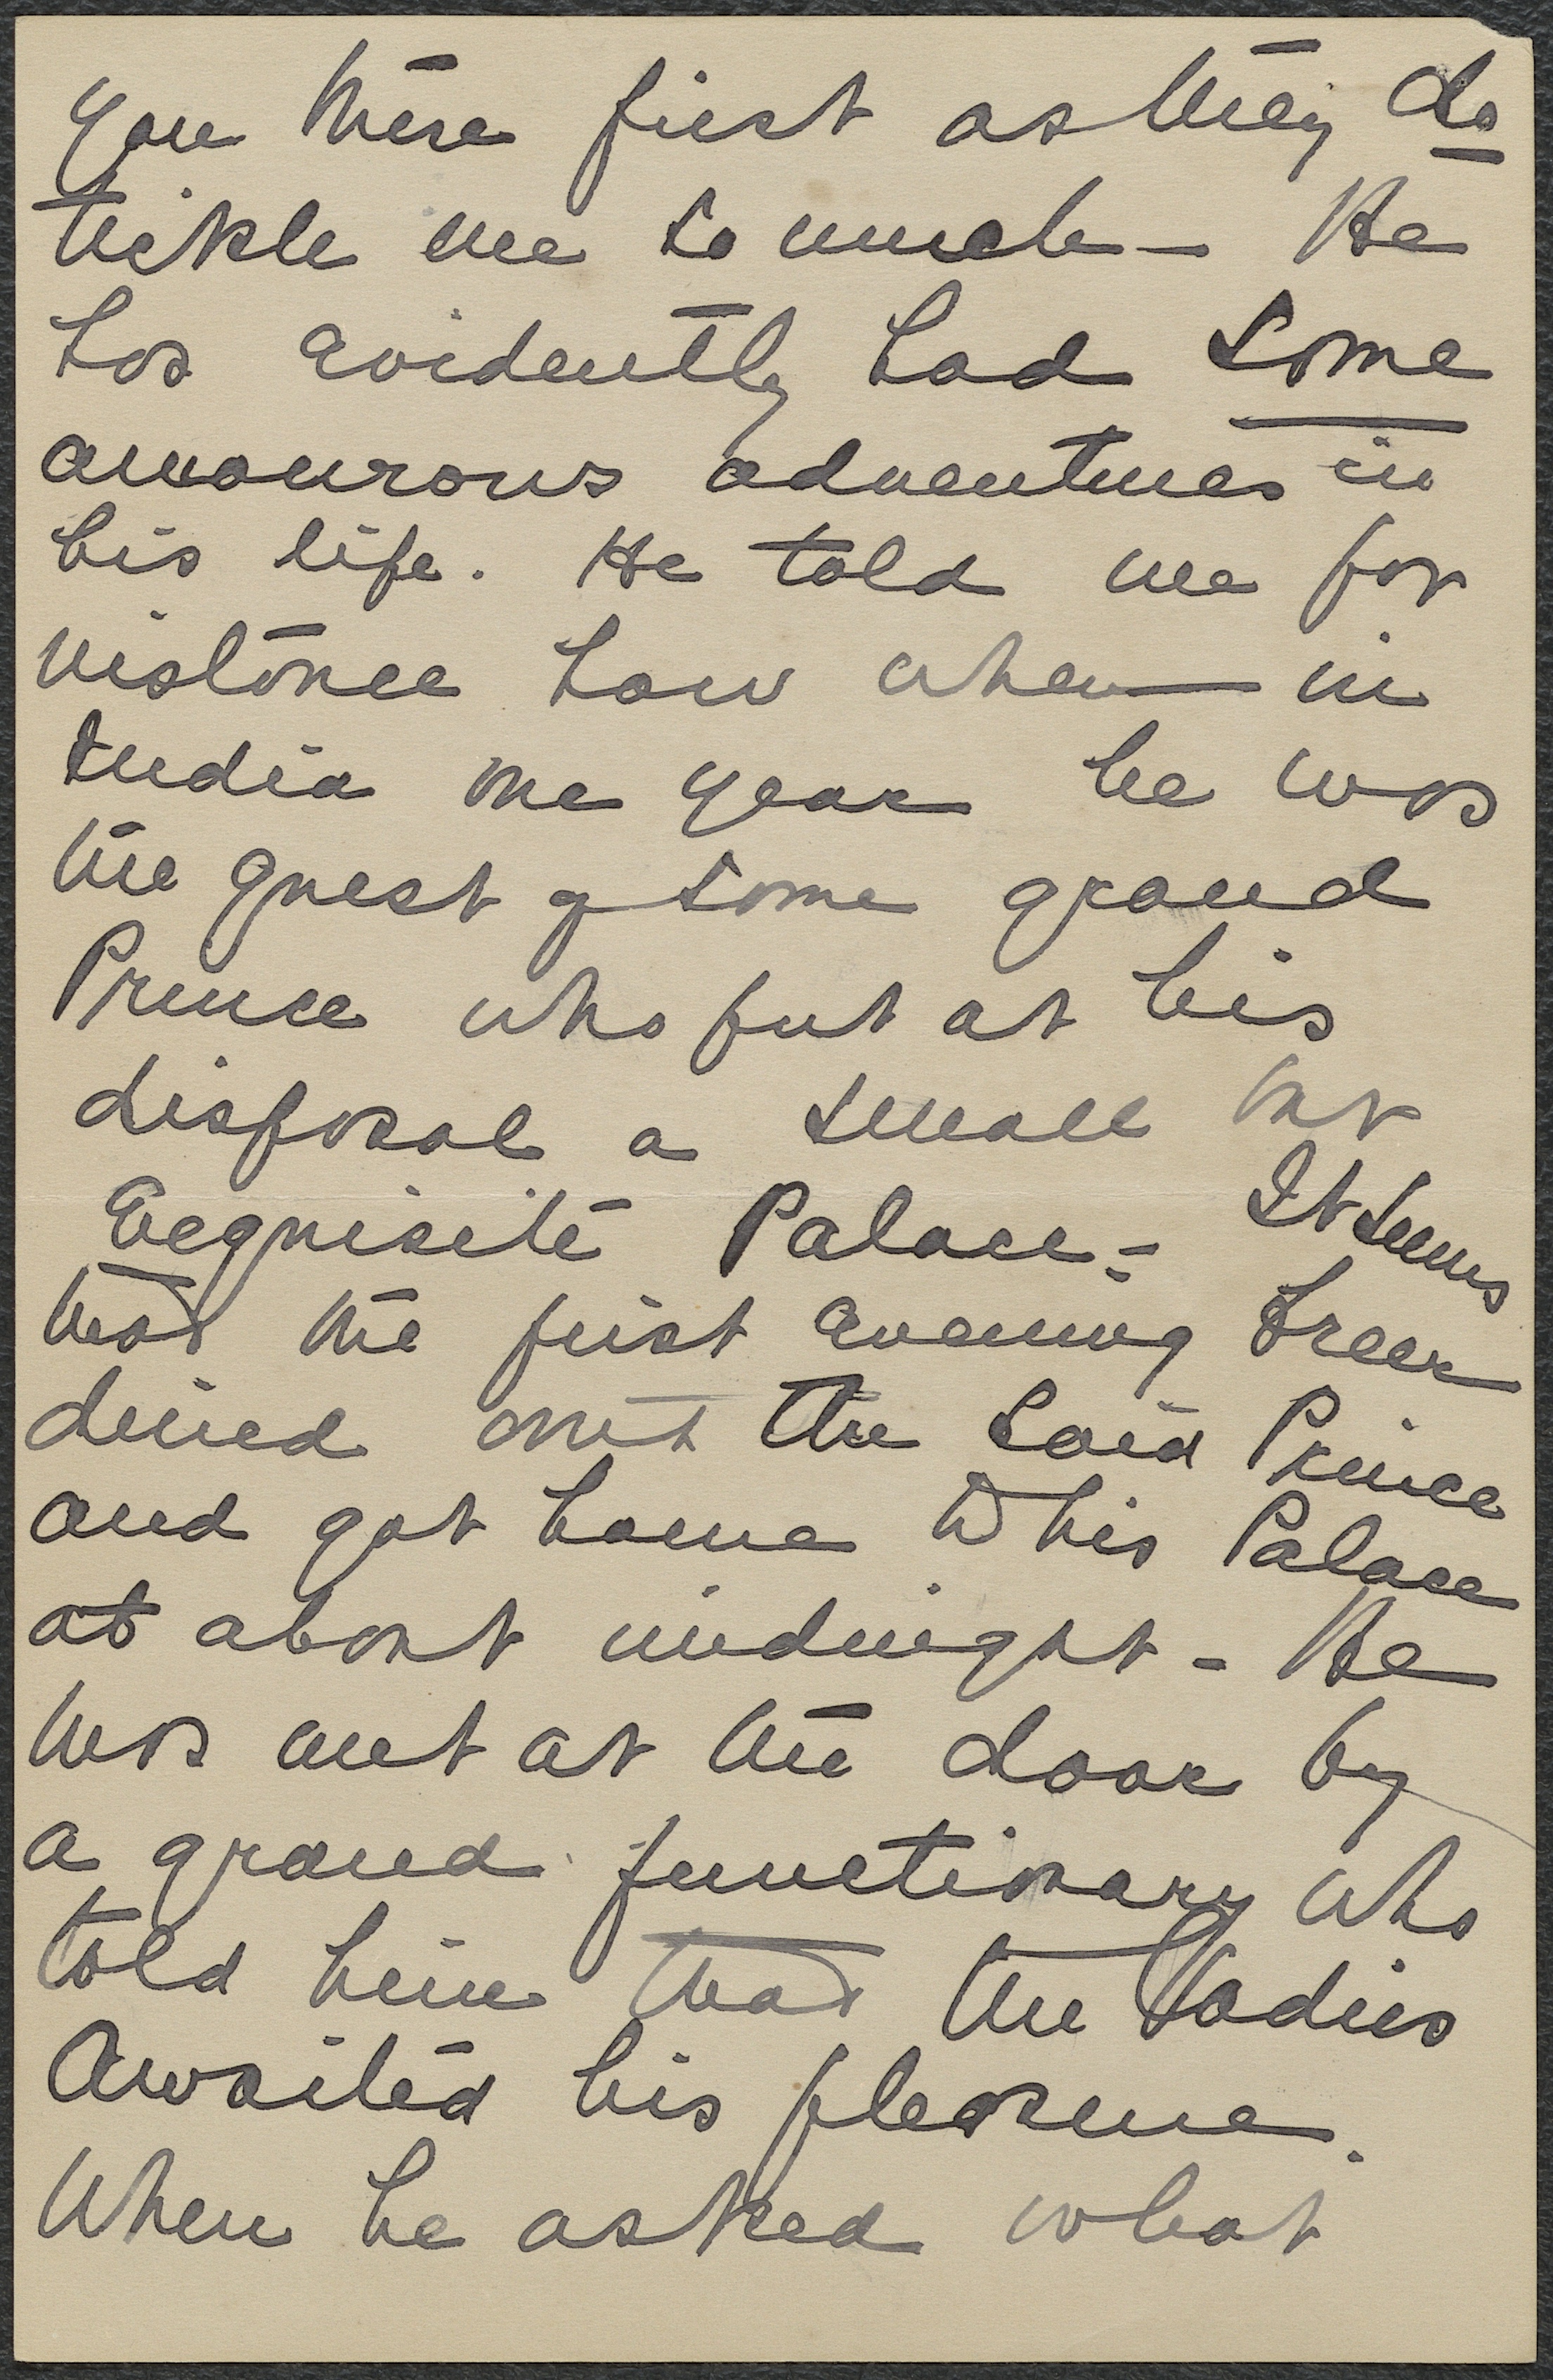you these first as they do tickle me so much – He has evidently had some amorous adventures in his life. He told me for instance how when in India one year he was the guest of some grand Prince who put at his disposal a small but exquisite Palace – It seems that the first evening Freer dined with the said Prince and got home to his Palace at about midnight – He was met at the door by a grand functionary who told him that the ladies awaited his pleasure. When he asked what